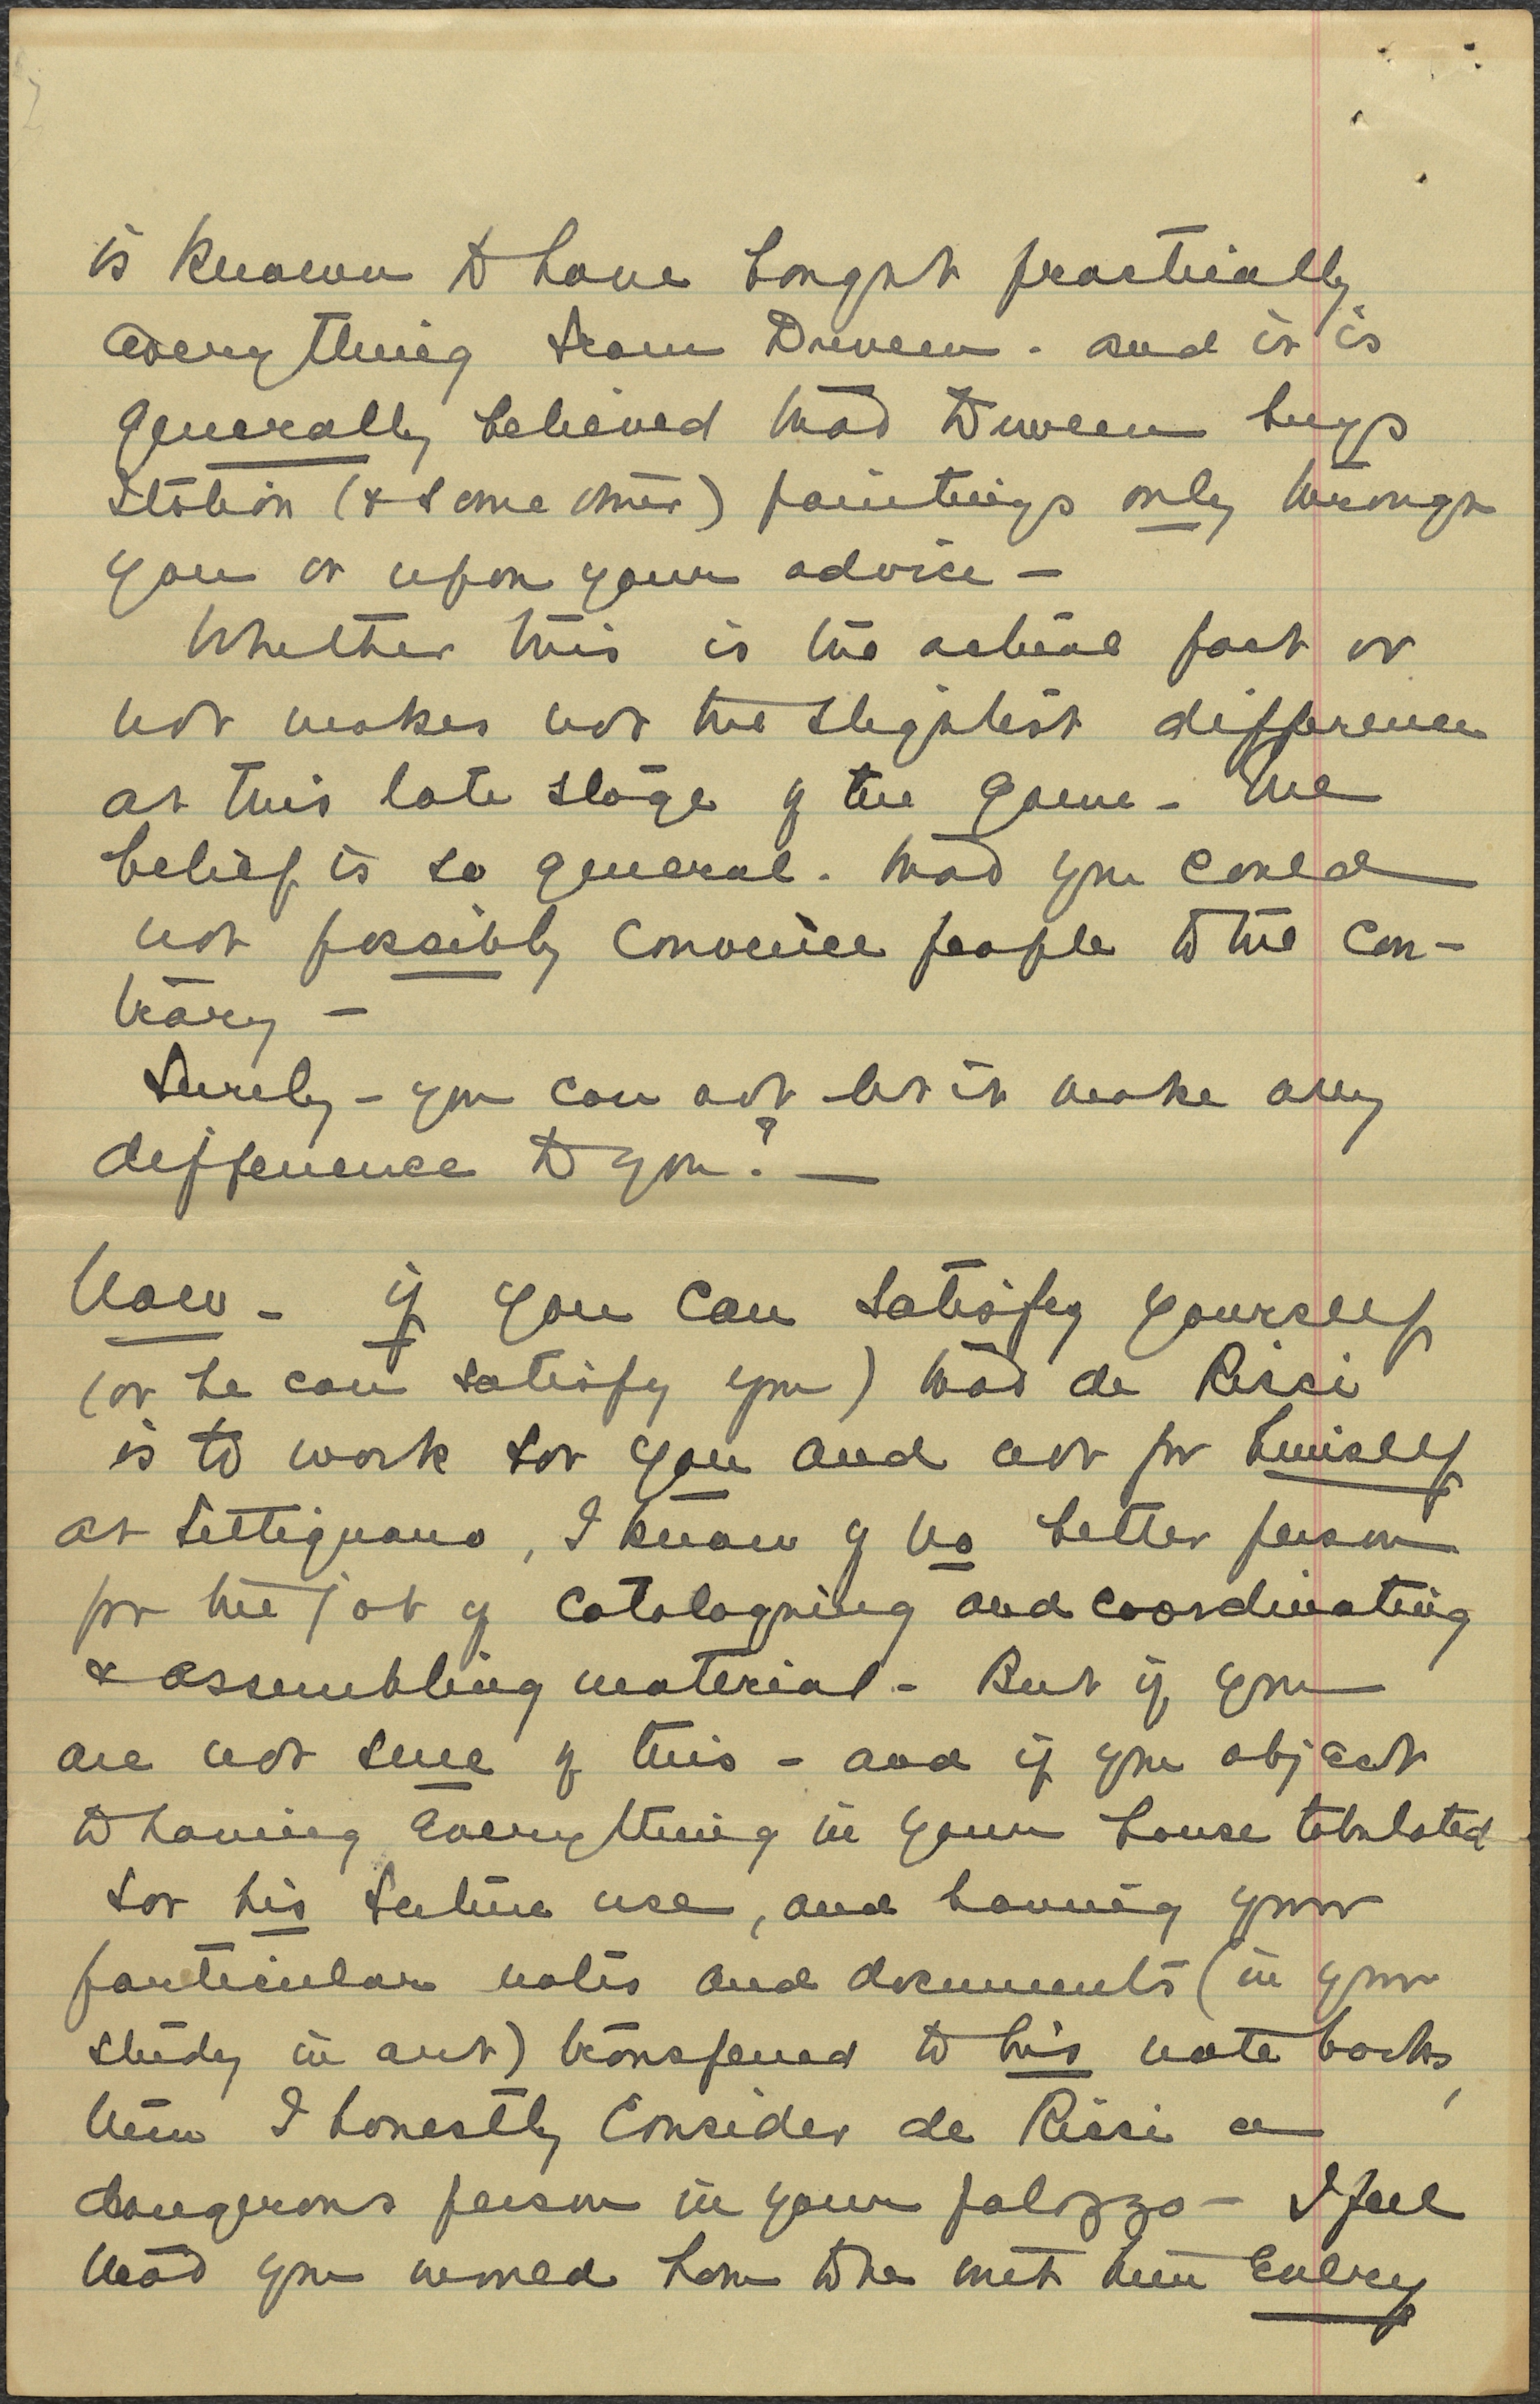is known to have bought practically everything from Duveen, and it is generally believed that Duveen buys Italian (& some other) paintings only through you or upon your advice –
Whether this is the actual fact or not makes not the slightest difference at this late stage of the game – The belief is so general, that you could not possibly convince people to the contrary –
Surely – you can not [sic] let it make any difference to you? –
Now – if you can satisfy yourself (or he can satisfy you) that de Ricci is to work for you and not for himself at Settignano, I know of no better person for the job of cataloging and coordinating & assembling material – But if you are not sure of this – and if you object to having everything in your house tabulated for his future use, and having your particular notes and documents (in your study in art) transferred to his note books, then I honestly consider de Ricci a dangerous person in your palazzo – I feel that you would have to be with him every